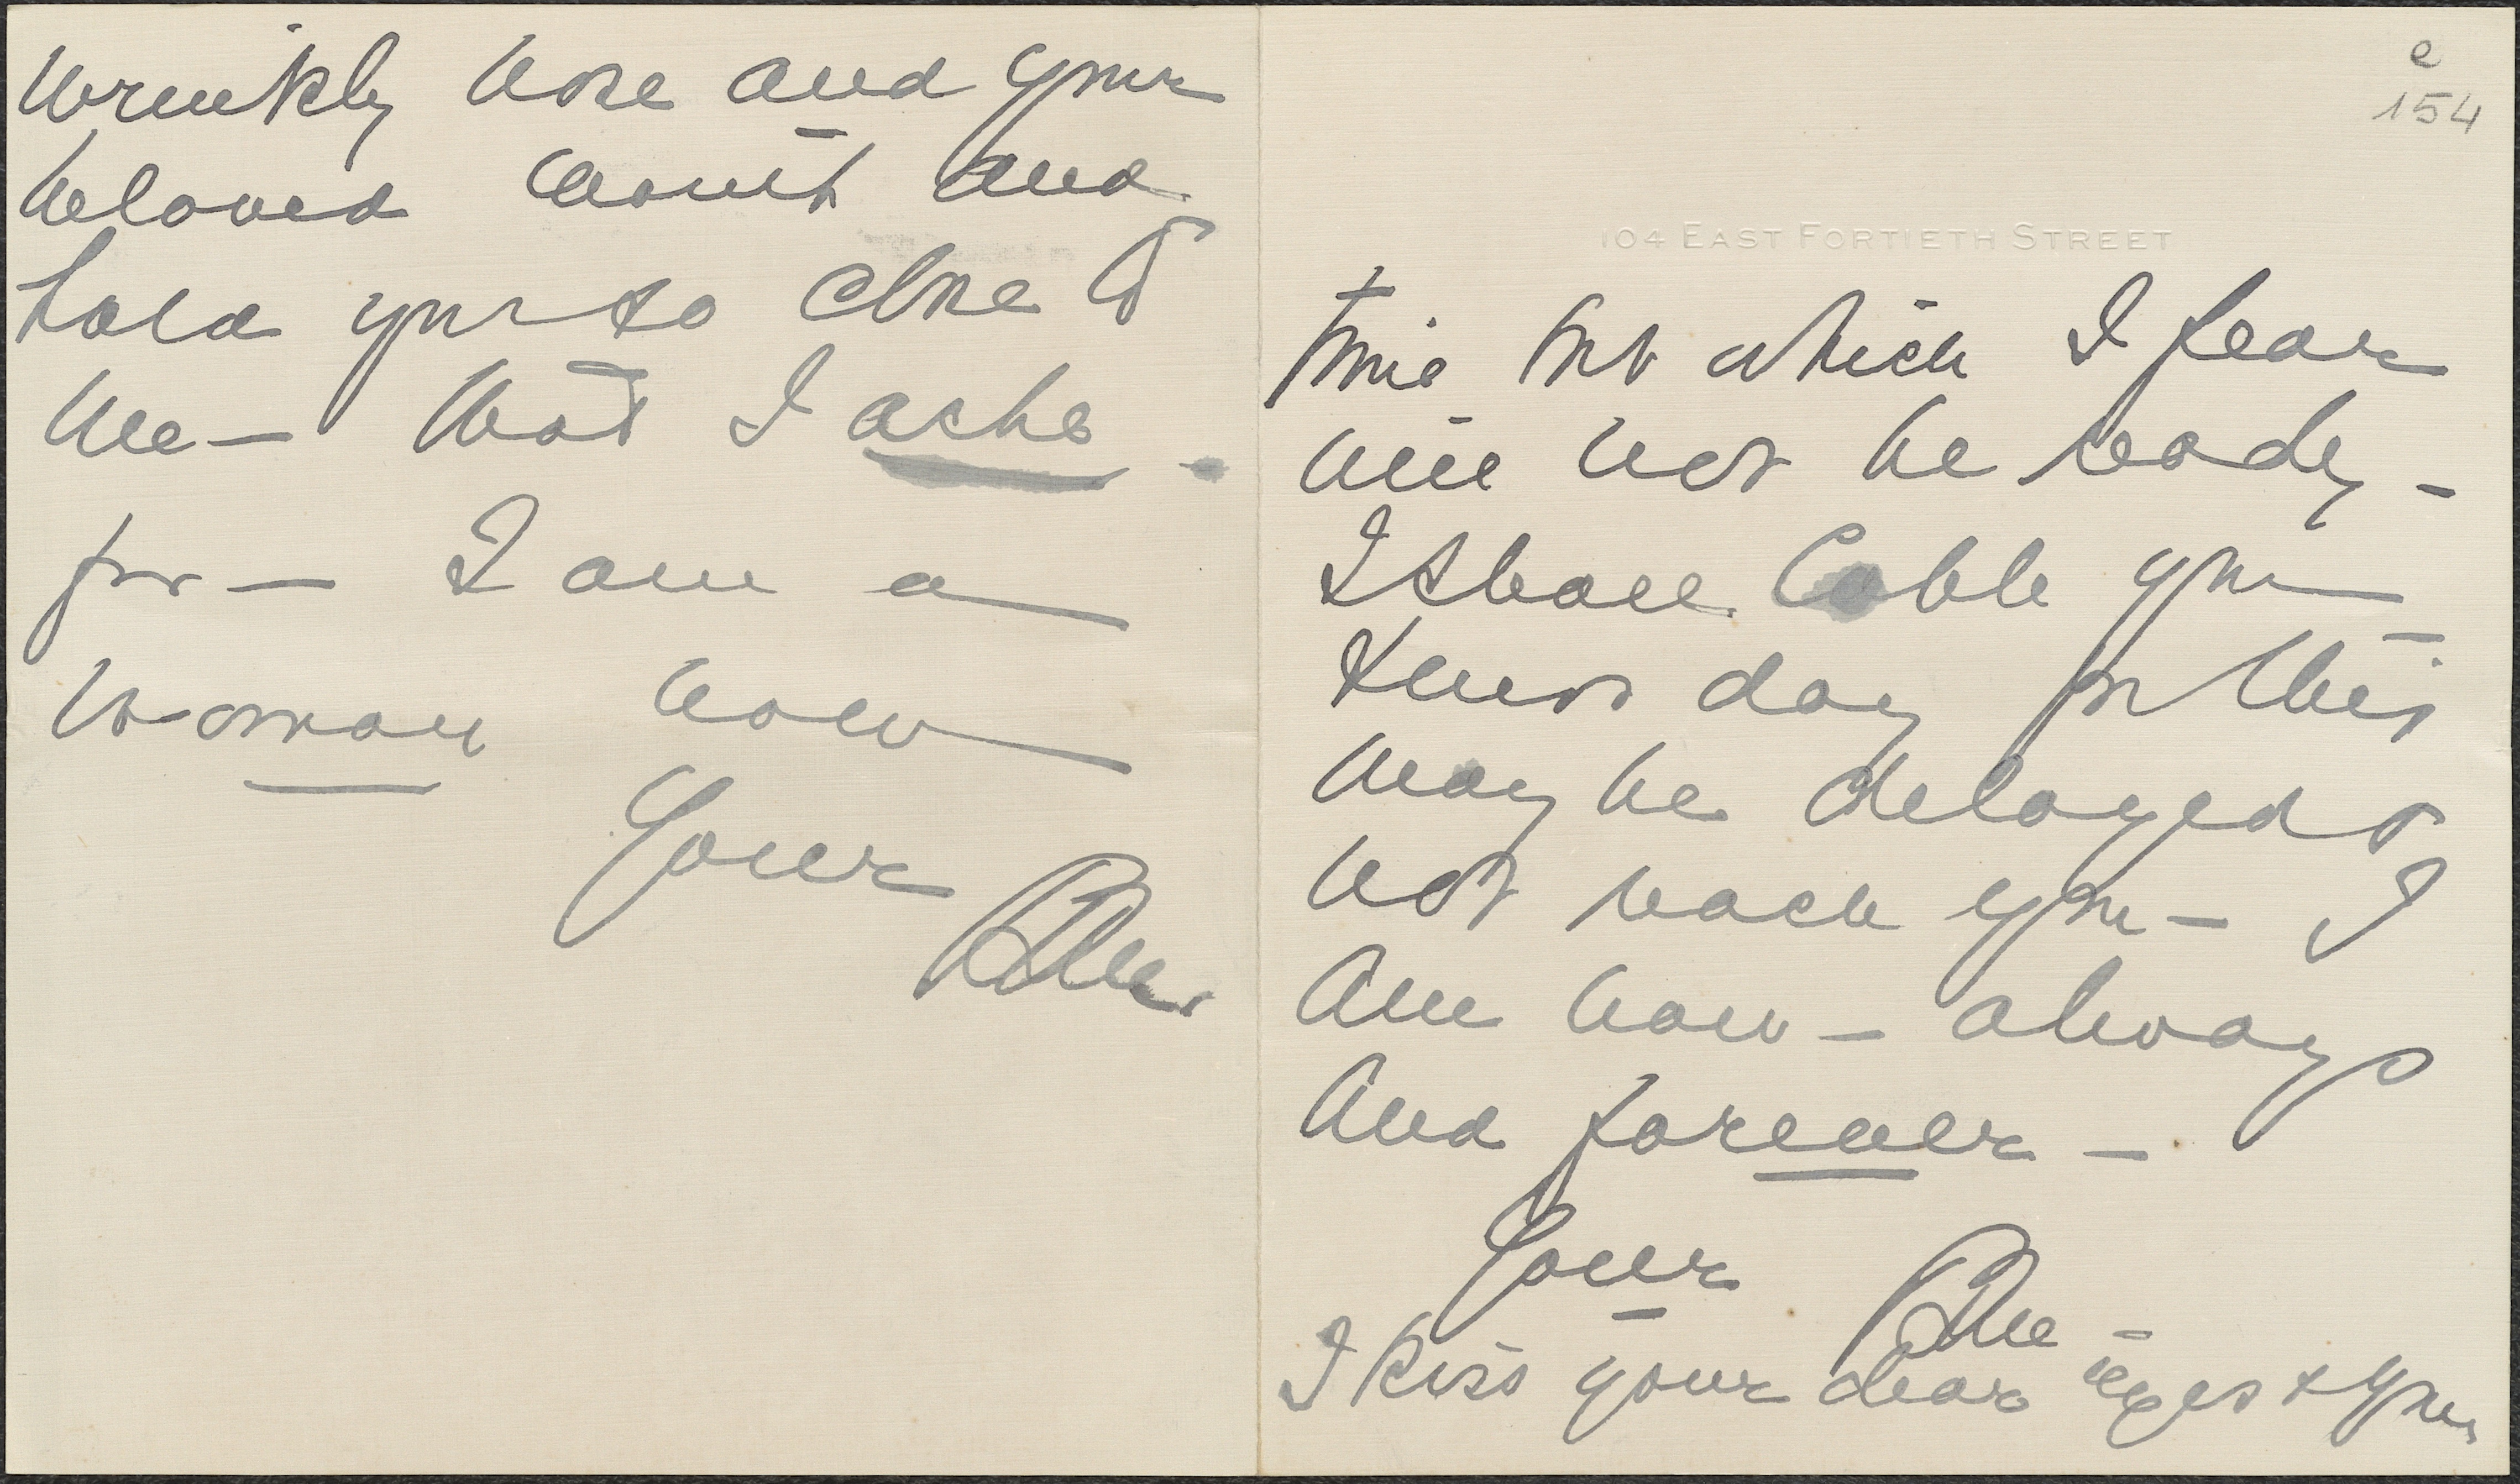time but which I fear will not be ready – I shall cable you Xmas day for this may be delayed & not reach you – I am now – always and forever –
Your Belle –
I kiss your dear eyes & your
wrinkly nose and your beloved mouth and hold you so close to me – that I ache – for – I am a woman now
Your Belle